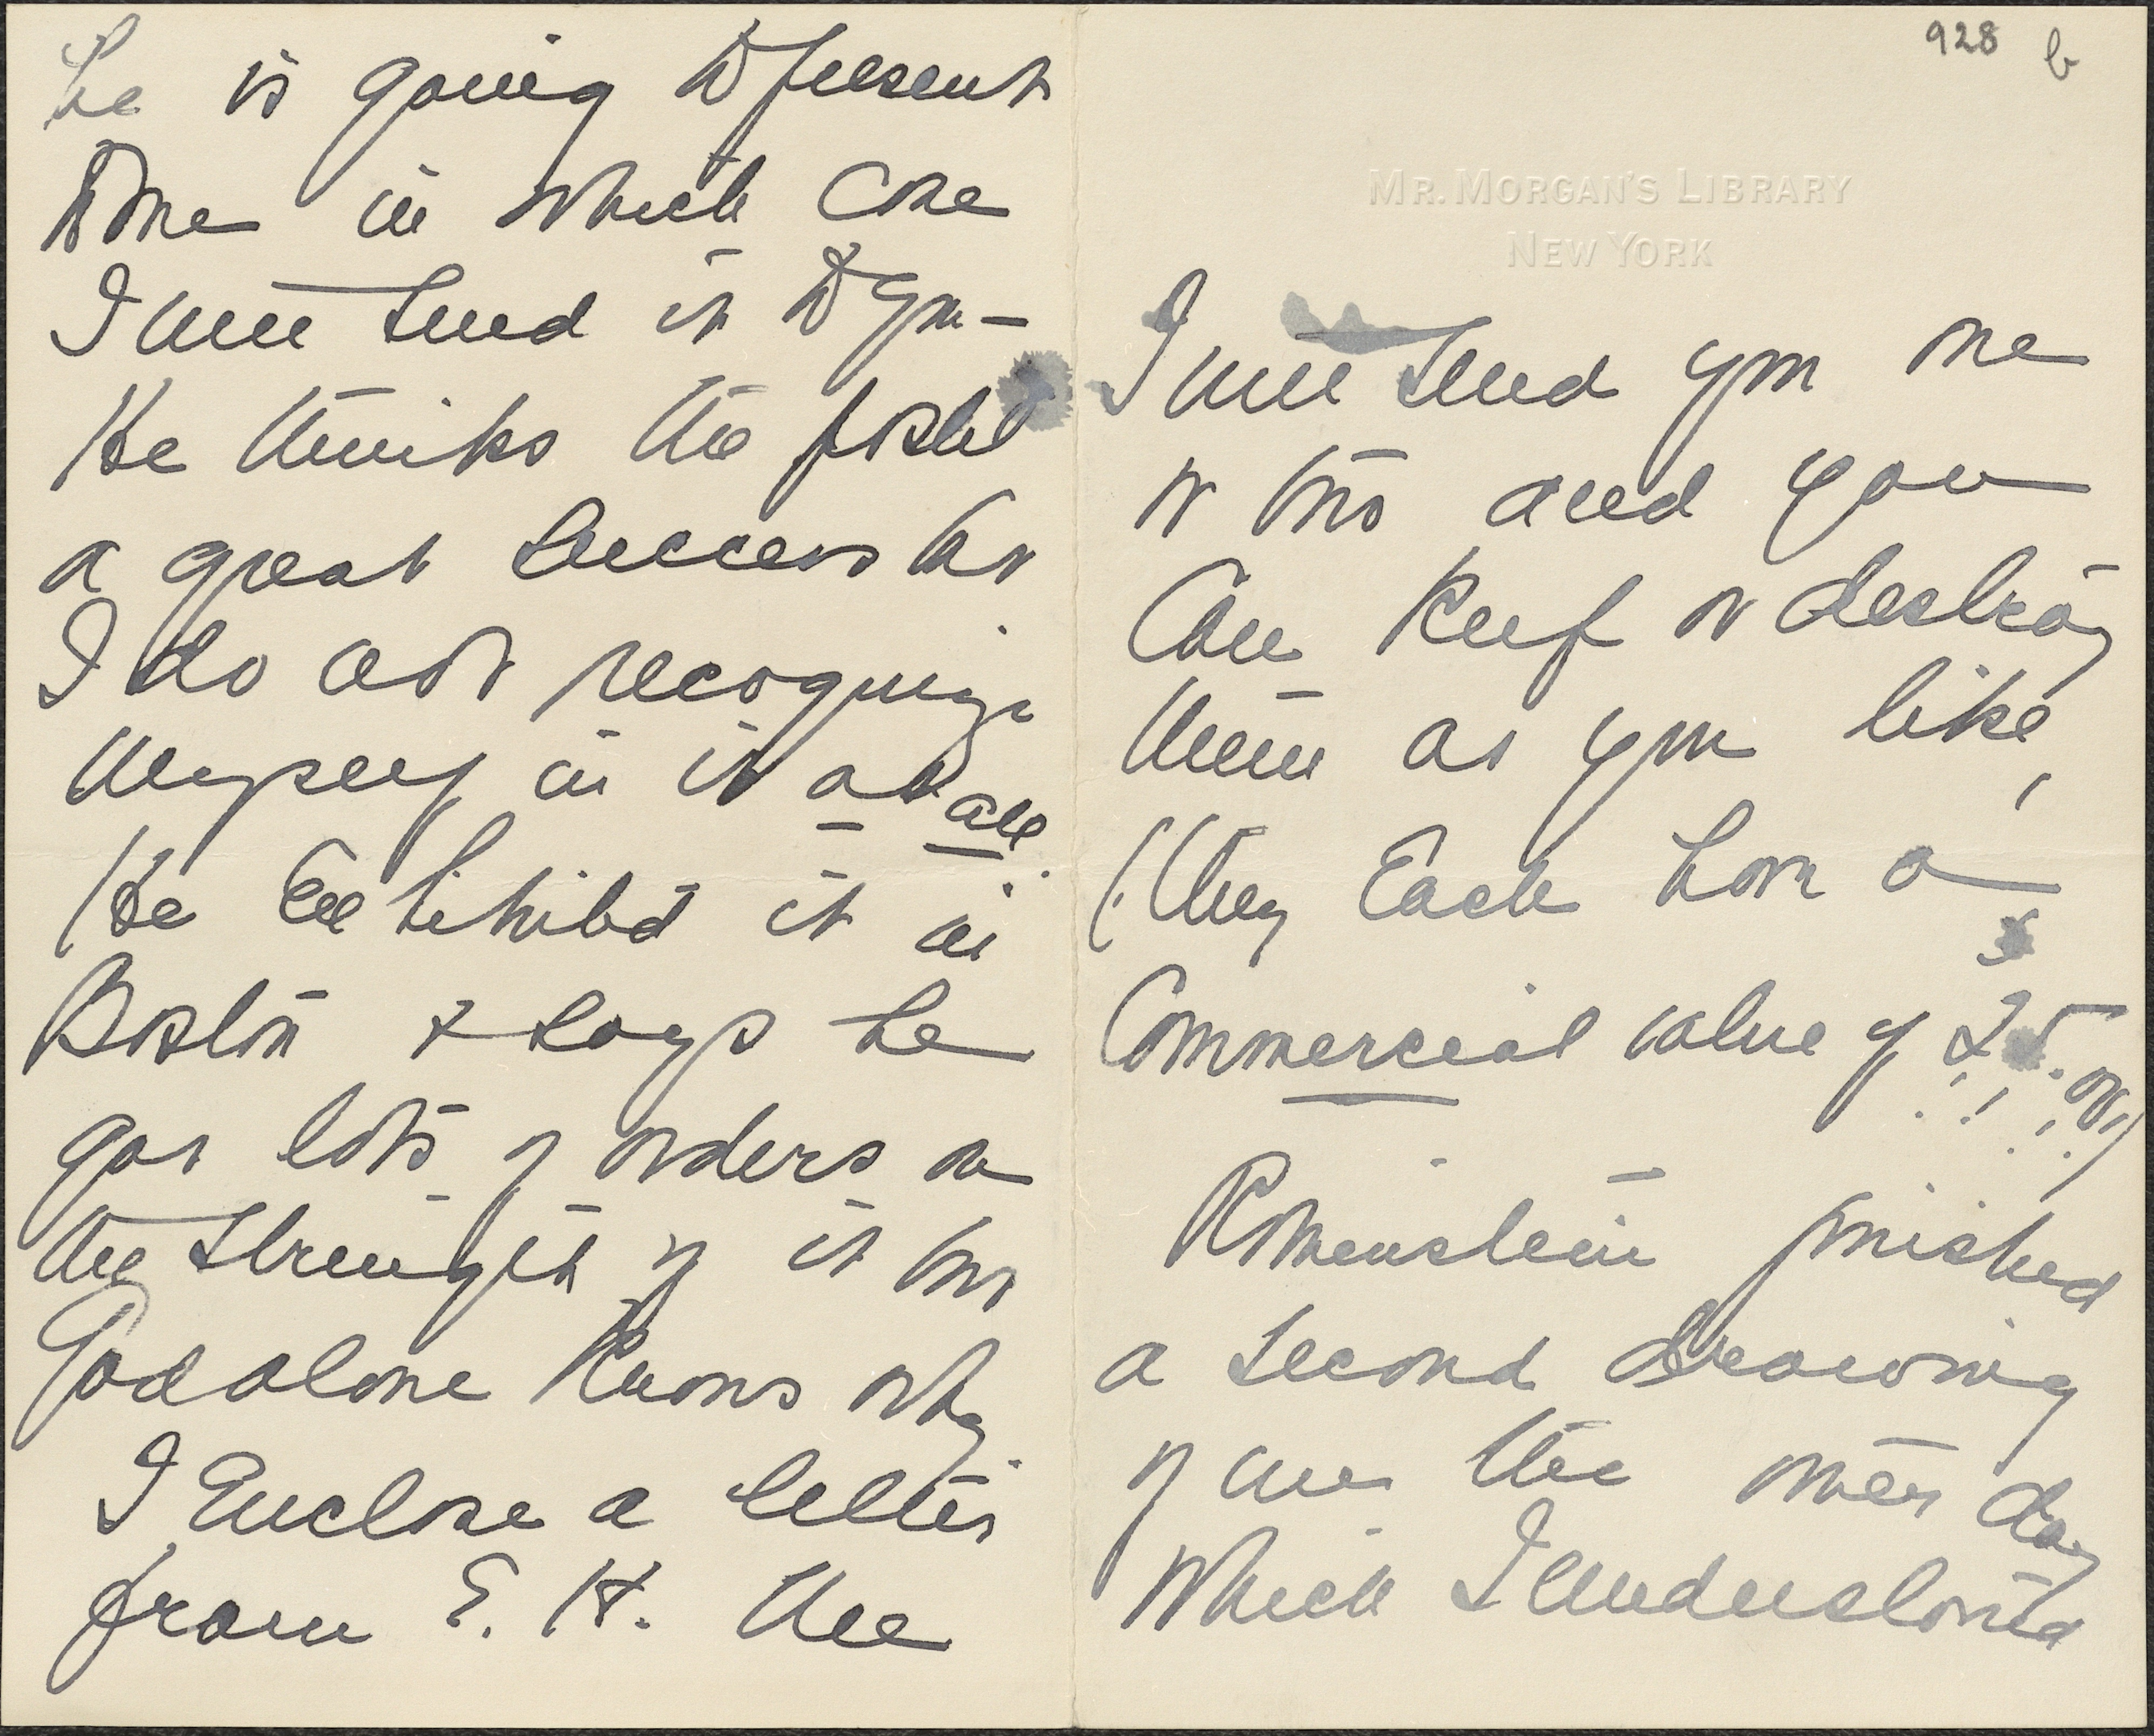I will send you one or two and you can keep or destroy them as you like, (They each have a commercial value of $25.00!!!)
Rothenstein finished a second drawing of me the other day which I understand
he is going to present to me in which case I will send it to you – He thinks the pastel a great success but I do not recognize myself in it at all. He exhibited it in Boston & says he got lots of orders on the strength of it but God alone knows why.
I enclose a letter from E.H. the